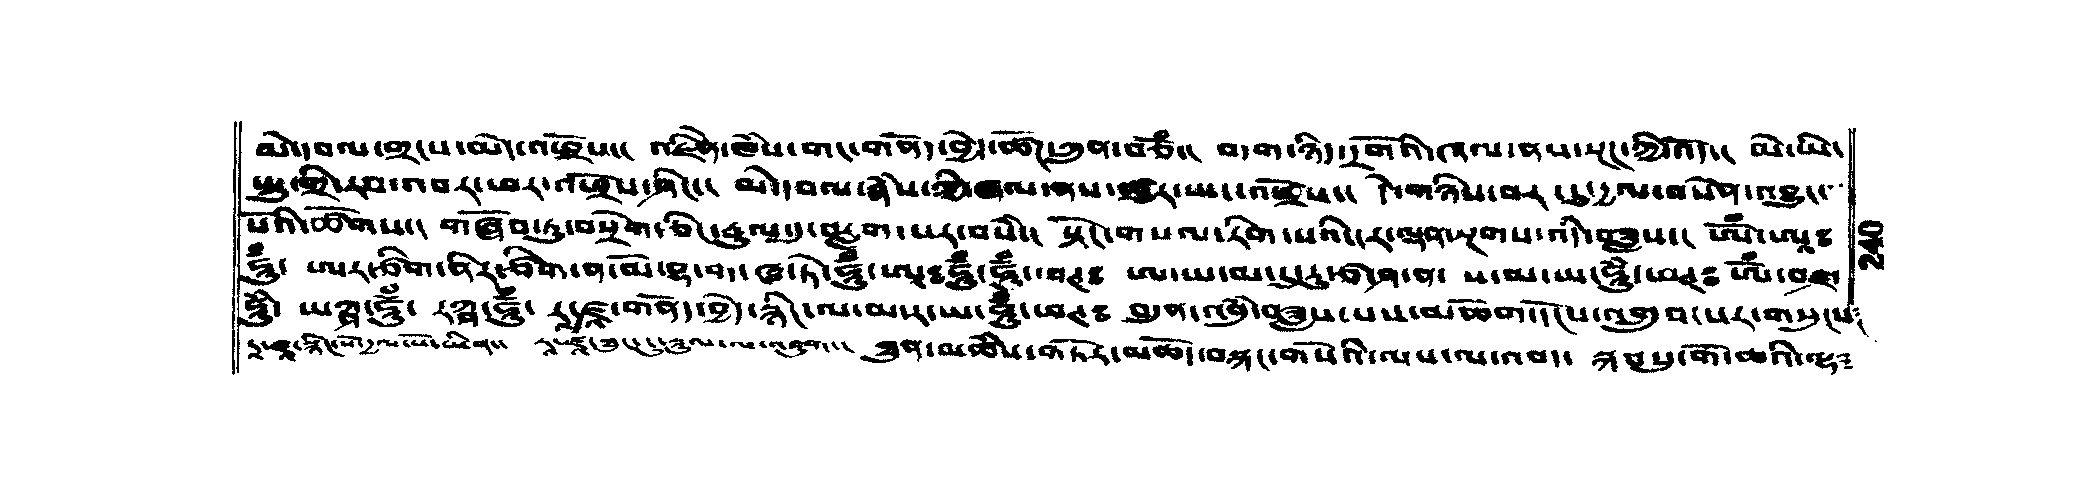མེ་དབལ་གྲངས་མེད་འཕྲོས། །འཇིག་རྟེན་ཁམས་གང་གནོད་བྱེད་ཚོགས་ཀུན་བཅོམ། །བདག་ཉིད་དྲག་པོའི་ཞལ་ནས་སྔགས་ཀྱི་འོད། །མེ་ཡི་
སྤུ་གྲི་རབ་འབར་ཕར་འཕྲོས་ཤིང་། མེ་དབལ་རྣམས་ཀྱི་ཞལ་ནས་ཚུར་ཡང་འཕྲོས། །དེ་གཉིས་བར་དུ་རྒྱལ་བསེན་འབྱུང་
པོའི་ཚོགས། །གཞོབ་ཏུ་སྲེག་ཅིང་རྡུལ་དུ་བརླག་པར་བསམ། །སྟོང་གསལ་རིག་པའི་ངར་ལྡན་སྔགས་འདི་བཟླས། །ཨོྃ་ཨཱཿ
ཧཱུྃ།ཨར་ཙིག་ནིར་ཙིག་ན་མོ་བྷ་ག་ཝ་ཏེ་ཧཱུྃ་ཨཱཿཧཱུྃ་ཕཊཿ ཨ་ཡ་མ་དུ་རུ་ཙ་ཤ་ན་ས་མ་ཡ་ཧཱུྃ་ཕཊཿཨོྃ་བཛྲ་
ཧཱུྃ། ཡཀྴ་ཧཱུྃ།རཀྴ་ཧཱུྃ། རཱ་ཛྲཱ་གནོད་བྱེད་སྙིང་ལ་མ་ར་ཡ་ཧཱུྃ་ཕཊཿ བདུན་འབུམ་བཟླས་པས་མཆོག་དངོས་འགྲུབ་པར་གསུངས། 
དཱ་ཛཱ་སྙིང་པོའི་རྒྱལ་པོ་ཡིན། རཱ་ཛཱ་ཐུང་ངུ་ཉུལ་ལ་འཇུག་ཐུན་མཚམས་གཏོར་མཆོད་བསྐང་གསོའི་ལས་ལ་འབད། སྐབས་སུ་གོ་ཆའི་ལྷ་